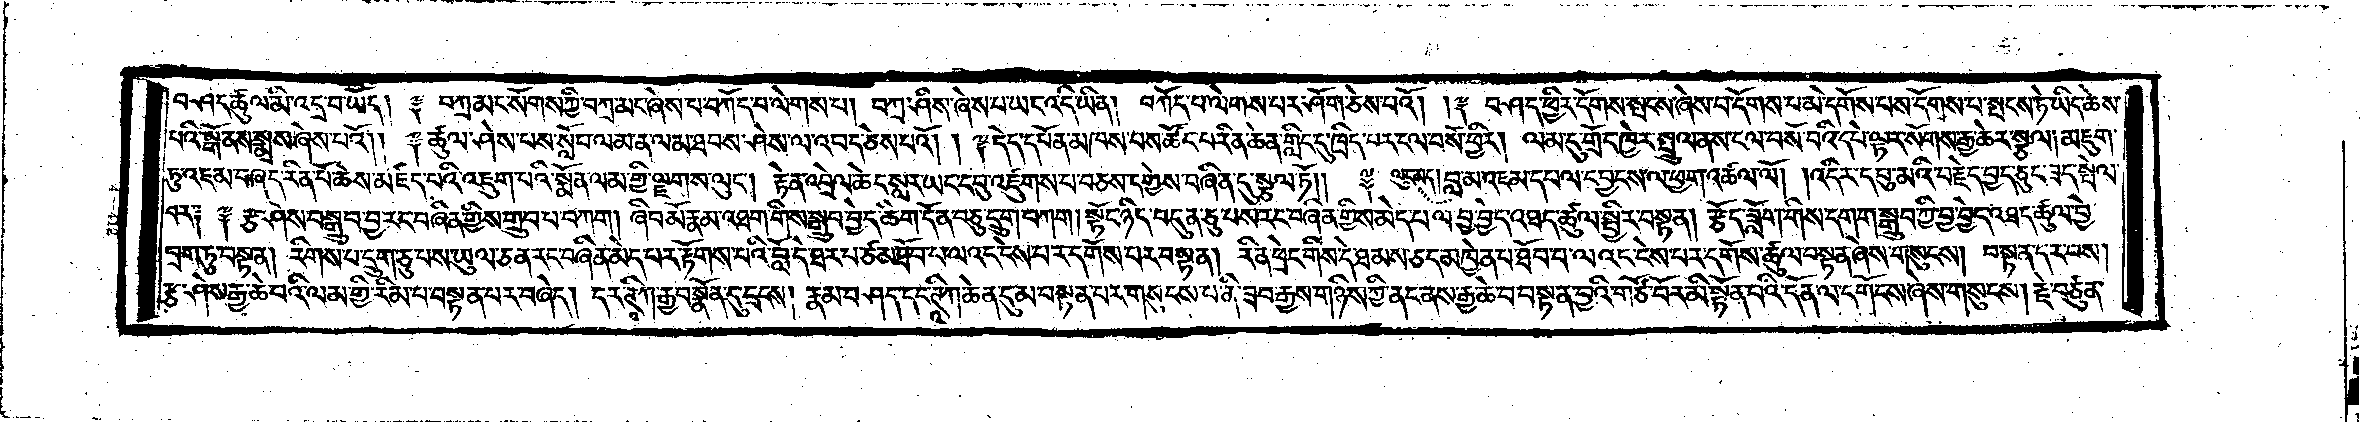བཤད་ཚུལ་མི་འདྲ་བ་ཡོད། ༈ བཀྲ་མང་སོགས་ཀྱི་བཀྲ་མང་ཞེས་པ་བཀོད་པ་ལེགས་པ། བཀྲ་ཤིས་ཞེས་པ་ཡང་འདི་ཡིན། བཀོད་པ་ལེགས་པར་ཤོག་ཅེས་པའོ། །༈ བཤད་ཕྱིར་དོགས་སྤངས་ཞེས་པ་དོགས་པ་མེ་དགོས་པས་དོགས་པ་སྤངས་ཏེ་ཡིད་ཆེས་
པའི་སྒོ་ནས་སྨྲས་ཞེས་པའོ། །༈ ཚུལ་ཤེས་པས་སློབ་ལམ་ན་ལམ་ཐབས་ཤེས་ལ་འབད་ཅེས་པའོ། །༈ དེད་དཔོན་མཁས་བས་ཚོང་པ་རིན་ཆེན་གླིང་དུ་ཁྲིད་པར་ངལ་བསོ་ཕྱིར། ལམ་དུ་གྲོང་ཁྱེར་སྤྲུལ་ནས་ངལ་བསོ་བའི་དཔེ་ལྟར་སོགས་རྒྱ་ཆེར་སྩལ། མཇུག་
ཏུ་འཇམ་བཞད་རིན་པོ་ཆེས་མཛད་པའི་མཇུག་པའི་སྨོན་ལམ་གྱི་ལྗང་ལུང་། རྟེན་འབྲེལ་ཆེད་སླར་ཡང་དབུ་འཛུགས་པ་བཅས་དགྱེས་བཞིན་དུ་སྩལ་ཏོ། །༈ བླ་ལུང་མད།  མ་འཇམ་དཔལ་དབྱངས་ལ་ཕྱག་འཚལ་ལོ། །འདིར་དབུ་མའི་བརྗོད་བྱང་ཅུང་ཟད་སྤེལ་
བར༑ ༈ རྩ་ཤེས་བསྒྲུབ་བྱ་རང་བཞིན་གྱིས་གྲུབ་པ་བཀག། ཞིབ་མོ་རྣམ་འཐག་གིས་སྒྲུབ་བྱེད་ཚིག་དོན་བཅུ་དྲུག་བཀག༑ སྟོང་ཉིད་བདུན་ཅུ་པས་རང་བཞིན་གྱིས་མེད་པ་ལ་བྱ་བྱེད་འཐད་ཚུལ་སྦྱིར་བསྟན། རྩོད་ཟློག་གིས་དགག་སྒྲུབ་ཀྱི་བྱ་བྱེད་འཐད་ཚུལ་བྱེ་
བྲག་ཏུ་བསྟན། རིགས་པ་དྲུག་ཅུ་པས་ཡུལ་ཅན་རང་བཞིན་མེད་པར་རྟོགས་པའི་བློ་དེ་ཐར་པ་ཙམ་ཐོབ་པ་ལའང་ངེས་པར་དགོས་པར་བསྟན། རིན་ཕྲེང་གིས་དེ་ཐམས་ཅད་མཁྱེན་པ་ཐོབ་པ་ལའང་ངེས་པར་དགོས་ཚུལ་བསྟན་ཞེས་གསུངས། བསྟན་དར་བས།
རྩ་ཤེས་རྒྱ་ཆེ་བའི་ལམ་གྱི་རིམ་པ་བསྟན་པར་བཞེད། དར་ཊཱིཀ་རྒྱ་བསྣོན་དུ་དྲངས། རྣམ་བཤད་དང་ཊཱིཀ་ཆེན་དུ་མ་བསྟན་པར་གསུངས་པ་ནི་ཟབ་རྒྱས་གཉིས་ཀྱི་ནང་ནས་རྒྱ་ཆེ་བ་བསྟན་བྱའི་གཙོ་བོར་མི་སྟོན་པའི་དོན་ལ་དགོངས་ཞེས་གསུངས། རྗེ་བཙུན་